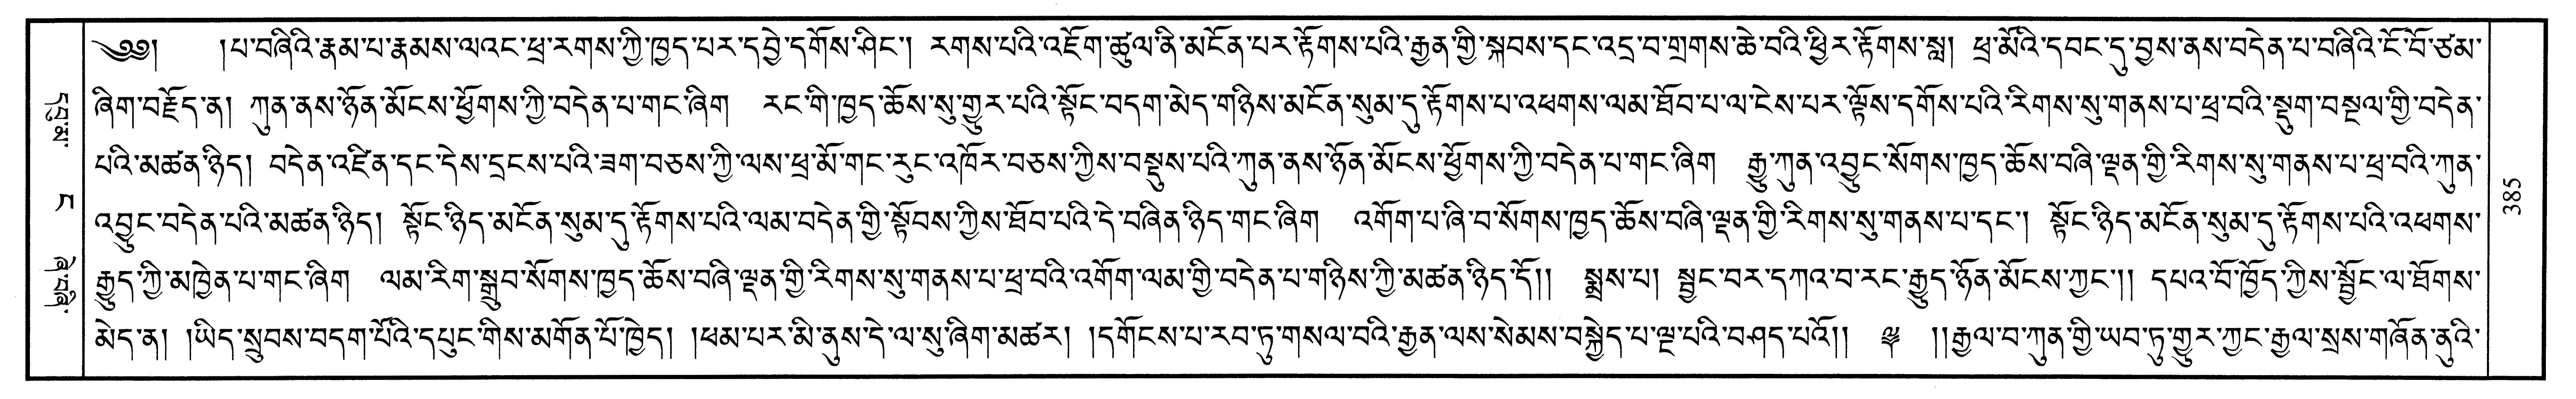༄༅། །པ་བཞིའི་རྣམ་པ་རྣམས་ལའང་ཕྲ་རགས་ཀྱི་ཁྱད་པར་དབྱེ་དགོས་ཤིང་། རགས་པའི་འཇོག་ཚུལ་ནི་མངོན་པར་རྟོགས་པའི་རྒྱན་གྱི་སྐབས་དང་འདྲ་བ་གྲགས་ཆེ་བའི་ཕྱིར་རྟོགས་སླ། ཕྲ་མོའི་དབང་དུ་བྱས་ནས་བདེན་པ་བཞིའི་ངོ་བོ་ཙམ་
ཞིག་བརྗོད་ན། ཀུན་ནས་ཉོན་མོངས་ཕྱོགས་ཀྱི་བདེན་པ་གང་ཞིག། རང་གི་ཁྱད་ཆོས་སུ་གྱུར་པའི་སྟོང་བདག་མེད་གཉིས་མངོན་སུམ་དུ་རྟོགས་པ་འཕགས་ལམ་ཐོབ་པ་ལ་ངེས་པར་ལྟོས་དགོས་པའི་རིགས་སུ་གནས་པ་ཕྲ་བའི་སྡུག་བསྔལ་གྱི་བདེན་
པའི་མཚན་ཉིད། བདེན་འཛིན་དང་དེས་དྲངས་པའི་ཟག་བཅས་ཀྱི་ལས་ཕྲ་མོ་གང་རུང་འཁོར་བཅས་ཀྱིས་བསྡུས་པའི་ཀུན་ནས་ཉོན་མོངས་ཕྱོགས་ཀྱི་བདེན་པ་གང་ཞིག །རྒྱུ་ཀུན་འབྱུང་སོགས་ཁྱད་ཆོས་བཞི་ལྡན་གྱི་རིགས་སུ་གནས་པ་ཕྲ་བའི་ཀུན་
འབྱུང་བདེན་པའི་མཚན་ཉིད། སྟོང་ཉིད་མངོན་སུམ་དུ་རྟོགས་པའི་ལམ་བདེན་གྱི་སྟོབས་ཀྱིས་ཐོབ་པའི་དེ་བཞིན་ཉིད་གང་ཞིག། འགོག་པ་ཞི་བ་སོགས་ཁྱད་ཆོས་བཞི་ལྡན་གྱི་རིགས་སུ་གནས་པ་དང་། སྟོང་ཉིད་མངོན་སུམ་དུ་རྟོགས་པའི་འཕགས་
རྒྱུད་ཀྱི་མཁྱེན་པ་གང་ཞིག །ལམ་རིག་སྒྲུབ་སོགས་ཁྱད་ཆོས་བཞི་ལྡན་གྱི་རིགས་སུ་གནས་པ་ཕྲ་བའི་འགོག་ལམ་གྱི་བདེན་པ་གཉིས་ཀྱི་མཚན་ཉིད་དོ།། སྨྲས་པ། སྦྱང་བར་དཀའ་བ་རང་རྒྱུད་ཉོན་མོངས་ཀྱང།། དཔའ་བོ་ཁྱོད་ཀྱིས་སྦྱོང་ལ་ཐོགས་
མེད་ན། །ཡིད་སྲུབས་བདག་པོའི་དཔུང་གིས་མགོན་པོ་ཁྱེད། །ཕམ་པར་མི་ནུས་དེ་ལ་སུ་ཞིག་མཚར། །དགོངས་པ་རབ་ཏུ་གསལ་བའི་རྒྱན་ལས་སེམས་བསྐྱེད་པ་ལྔ་པའི་བཤད་པའོ།། ༈ །།རྒྱལ་བ་ཀུན་གྱི་ཡབ་ཏུ་གྱུར་ཀྱང་རྒྱལ་སྲས་གཞོན་ནུའི་